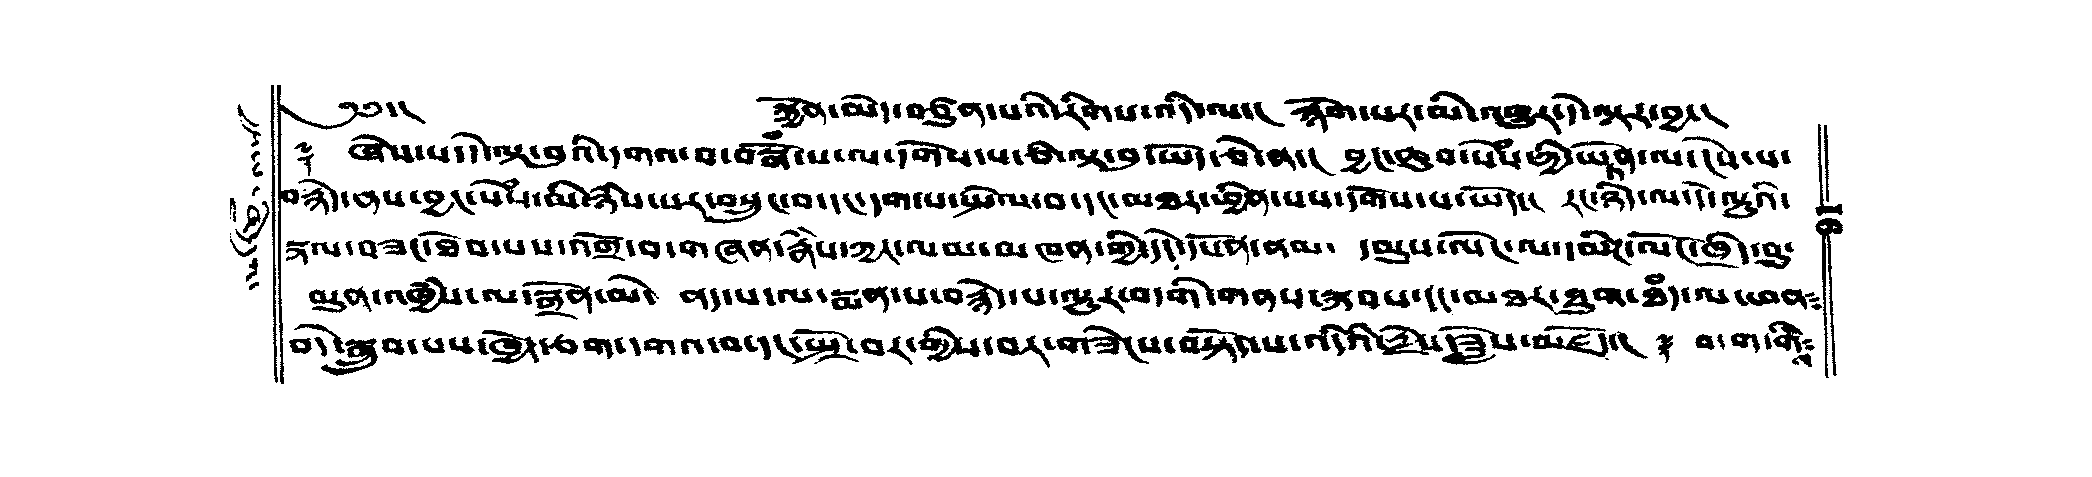སྐྱོན་མེད་བཙུན་པའི་རིགས་འདི་ལ། རྙོག་པར་མི་འགྱུར་དེ་ལྟར་བྱ། 
༈ ཞེས་པ་དེ་ལྟ་བུའི་དགའ་བ་བསྒོམ་པ་ལ་དགོས་པ་ཅི་ལྟ་བུ་ཡོད་ཅེ་ན། བྱང་ཆུབ་སེམས་ཀྱི་ཡོན་ཏན་ལ་ངེས་པ་
བརྙེད་ནས་བྱང་སེམས་མི་ཉམས་པར་བསྲུང་བ་དང་དག་པ་སྤེལ་བ་དང་མཐར་ཕྱིན་པས་དགོས་པ་ཡོད། རང་ཉིད་ལ་དེ་ལྟ་བུའི་
སྐལ་ཟབང་ཐོབ་པཿས་འགྲོ་བ་གཞན་རྣམས་ཀྱང་ལམ་མཁན་གྱི་དེང་དཔོན་ནམ། དམུས་ལོང་ལ་དམིགས་ལོང་ཁྲིད་བུ་
མུན་འཁྱམས་ལ་སྒྲོན་མེ། ནད་པ་ལ་སྨན་པ་བརྙེད་པ་ལྟ་བུར་བདག་གི་གནས་སྐབས་དང་མཐར་ཐུག་ཐམས་ཅད་ལ་ཕན་
བདེ་སྒྲུབ་པས་ཁྱོད་ཅག་དགའ་བ་དང་སྤྲོ་བར་གྱིས་བར་གཟེངས་བསྟོད་པ་འདིའི་རྗེས་ཟློས་མཛོད། ༈ བདག་གིས་